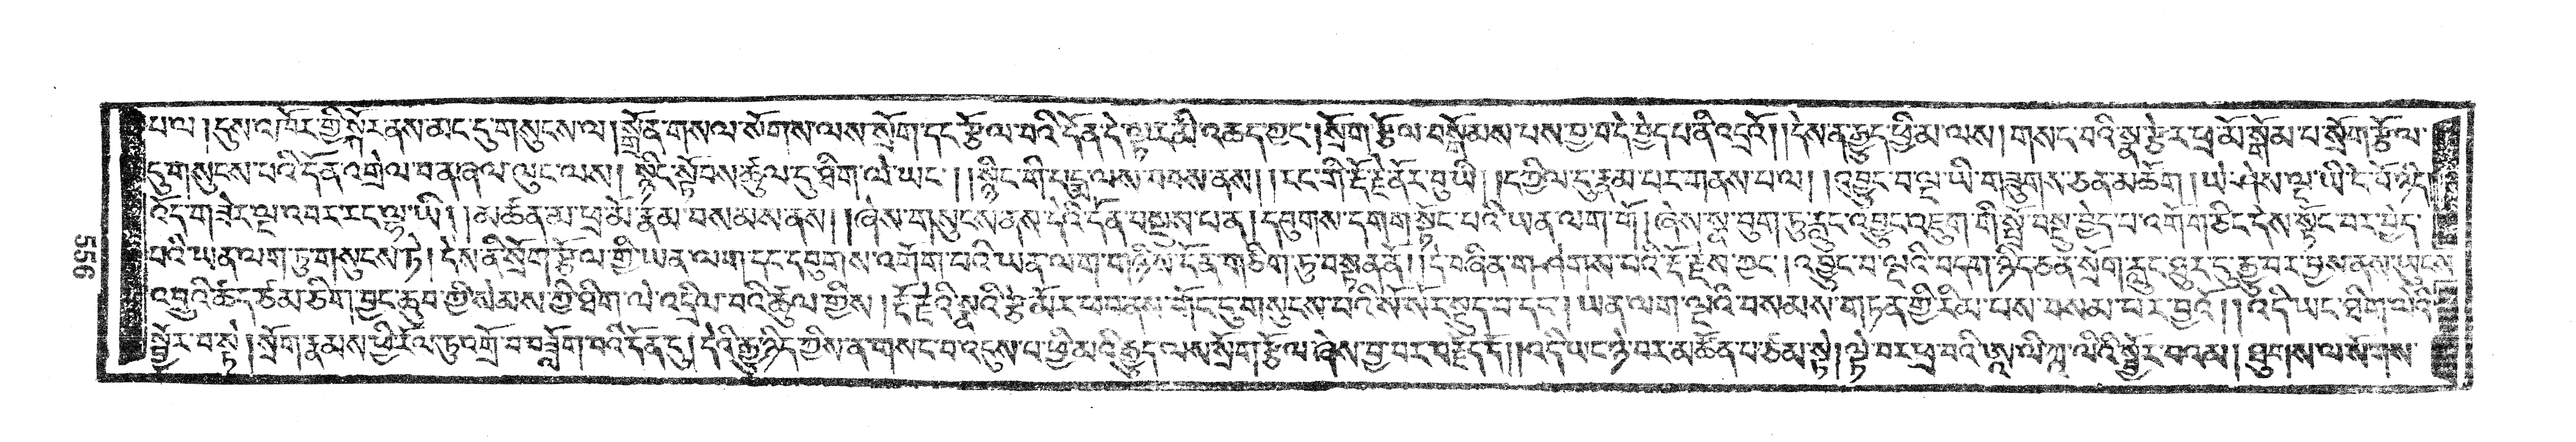པ་ལ། དུས་འཁོར་གྱི་སྐོར་ནས་མང་དུ་གསུངས་ལ། སྒོམ་གསལ་སོགས་ལས་སྲོག་དང་རྩོལ་བའི་དོན་དེ་ལྟར་མི་འཆད་ཀྱང་། སྲོག་རྩོལ་བསྒོམས་པས་བྱ་བ་དེ་བྱེད་པ་ནི་འདྲའོ། །དེས་ན་རྒྱུད་ཕྱི་མ་ལས། གསང་བའི་སྣ་རྩེར་ཕྲ་མོ་སྒོམ་པ་སྲོག་རྩོལ་
དུ་གསུངས་པའི་དོན་འགྲེལ་བ་ན་ཞལ་ལུང་ལས། སྙིང་སྟོབས་ཚུལ་དུ་ལེ་ཡང་། །སྙིང་གི་པདམ་ལས་བབས་ནས། །རང་གི་རྡོ་རྗེ་ནོར་བུ་ཡི། །དཀྱིལ་དུ་རྣམ་པར་གནས་པ་ལ། །འབྱུང་བ་ལྔ་ཡི་གཟུགས་ཅན་མཆོག །ཡེ་ཤེས་ལྔ་ཡི་ངོ་བོ་ཉིད་
འོད་གཟེར་ལྔ་འབྱར་རང་ལྷ་ཡི། །མཚན་མ་ཕྲ་མོ་རྣམ་བསམས་ནས། །ཞེས་གསུངས་ནས་དེའི་དོན་བསྡུས་པ་ན། དབུགས་དགག་སྟོང་པའི་ཡན་ལག་གོ །ཞེས་སྣ་བུག་ཏུ་རླུང་འབྱུང་འཇོག་གི་སྤྲོ་བསྡུ་བྱེད་པ་འགོག་ཅིང་དེས་སྟོང་བར་བྱེད་
པའི་ཡན་ལག་ཏུ་གསུངས་ཏེ། དེས་ནི་སྲོག་རྩོལ་གྱི་ཡན་ལག་དང་དབུགས་འགོག་པའི་ཡན་ལག་གཉིས་དོན་གཅིག་ཏུ་བསྟན་ནོ། །དེ་བཞིན་གཤེགས་པའི་རྡོ་རྗེས་ཀྱང་། འབྱུང་བ་ལྔའི་བདག་ཉིད་ཅན་སྲོག་རླུང་ཐུར་དུ་རྒྱུ་བར་བྱས་ནས་ཡུངས་
འབྲུའི་ཆད་ཙམ་ཅིག་བྱང་ཆུབ་ཀྱི་སེམས་ཀྱི་ཐིག་ལེ་འདྲི་བའི་ཚུལ་གྱིས། རྡོ་རྗེའི་སྣའི་རྩེ་མོར་ཕབ་ནས་གོང་དུ་གསུངས་པའི་སོ་སོར་སྡུད་པ་དང་། ཡན་ལག་ལྔའི་བསམས་གཏན་གྱི་རིམ་པས་བསམ་པར་བྱའོ། །འདི་ཡང་ཐིག་ལེའི་
སྦྱོར་བ་སྟེ། སྲོག་རྣམས་ཕྱི་རོལ་ཏུ་འགྲོ་བ་བཟློག་བའི་དོན་དུ། དེའི་རྒྱུ་གཉིད་ཀྱིས་ན་གསང་བ་འདུས་པ་ཕྱི་མའི་རྒྱུད་ལས་སྲོག་རྩོལ་ཞེས་བྱ་བར་བརྗོད་དོ། །འདི་ཡང་ཉེ་བར་མཚོན་པ་ཙམ་སྟེ། ལྟེ་བར་ཕྲ་བའི་ཨཱ་ལི་ཀཱ་ལིའི་སྦྱོར་བའམ། ཐུགས་ལ་སོགས་